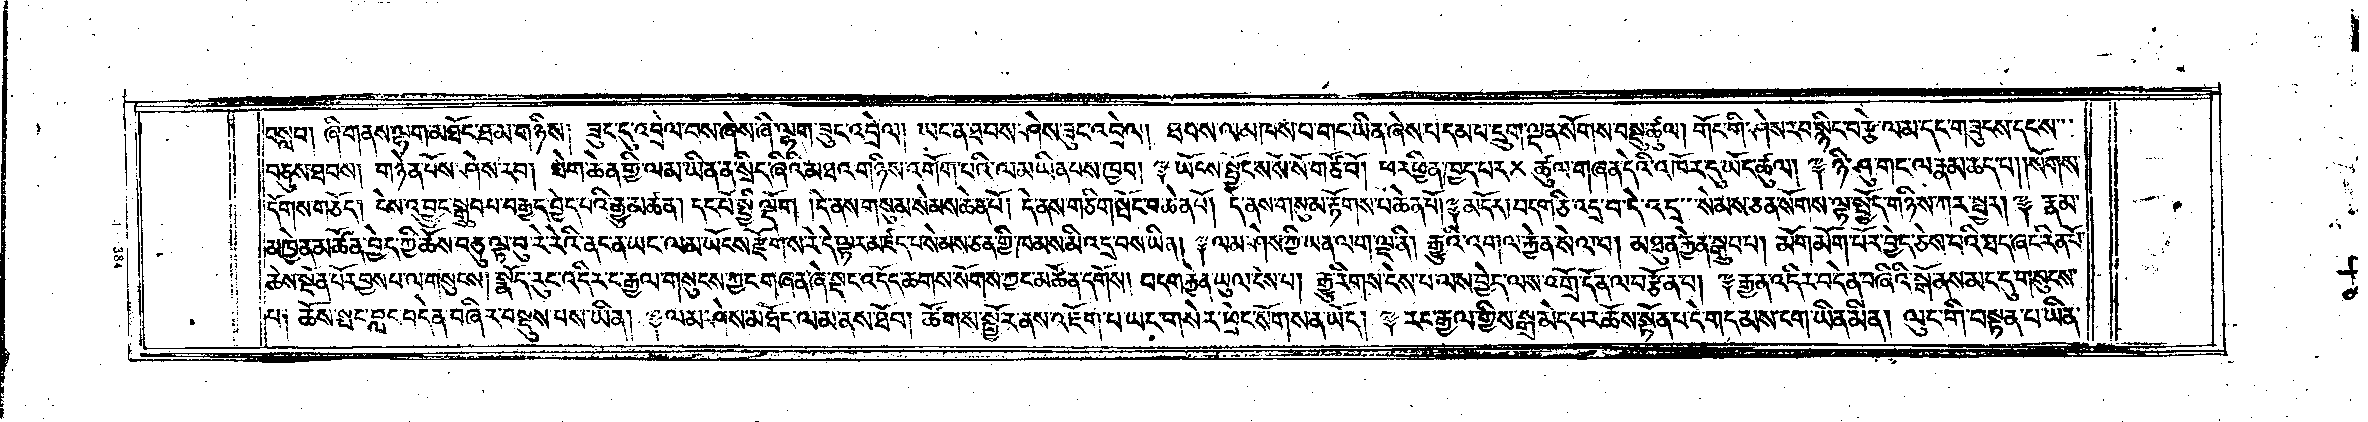བསླབ། ཞི་གནས་ལྷག་མཐོང་ཐ་མ་གཉིས། ཟུང་དུ་འབྲེལ་བས་ཞེས་ཞི་ལྷག་ཟུང་འབྲེལ། ཡང་ན་ཐབས་ཤེས་ཟུང་འབྲེལ། ཐབས་ལམ་མཁས་པ་གང་ཡིན་ཞེས་པ་དམ་པ་དྲུག་ལྡན་སོགས་བསྡུ་ཚུལ། གོང་གི་ཤེས་རབ་སྙིང་བརྩེ་ལམ་དང་གཟུངས་དང་ས་
བཅུས་ཐབས། གཉེན་པོས་ཤེས་རབ། ཐེག་ཆེན་གྱི་ལམ་ཡིན་ན་སྲིད་ཞིའི་མཐའ་གཉིས་འགོག་པའི་ལམ་ཡིན་པས་ཁྱབ། ༈ ཡོངས་སྤྱོངས་སོ་སོ་གཙོ་བོ། ཕར་ཕྱིན་ཁྱད་པར་྾་ཚུལ་གཞན་དེའི་འཁོར་དུ་ཡོང་ཚུལ། ༈ ཉི་ཤུ་གང་ལ་རྣམ་ཆད་པ། །སོགས་
དོགས་གཅོད། ངེས་འབྱུང་སྒྲུབ་པ་བརྒྱད་བྱེད་པའི་རྒྱུ་མཚན། དང་པོ་སྤྱི་ལྡོག །དེ་ནས་གསུམ་སེམས་ཆེན་པོ། དེ་ནས་གཅིག་སྤོང་བ་ཆེན་པོ། དེ་ནས་གསུམ་རྟོགས་པ་ཆེན་པོ། ༈ མདོར། བདག་ཅི་འདྲ་བ་དེ་འདྲ་སེམས་ཅན་སོགས་ལྟ་སྤྱོད་གཉིས་ཀར་སྤྱར། ༈ རྣམ་
མཁྱེན་མཚོན་བྱེད་ཀྱི་ཆོས་བཅུ་ལྟ་བུ་རེ་རེའི་ནང་ན་ཡང་ལམ་ཡོངས་རྫོགས་རེ་དེ་ལྟར་མཛད་པ་སེམས་ཅན་གྱི་ཁམས་མི་འདྲ་བས་ཡིན། ༈ ལམ་ཤེས་ཀྱི་ཡན་ལག་ལྔ་ནི། རྒྱུའི་འགལ་རྐྱེན་སེལ་བ། མཐུན་རྐྱེན་སྒྲུབ་པ། མགོ་མོག་པོར་བྱེད་ཅེས་པའི་ཐད་ཞིང་རིན་པོ་
ཆེས་སྔོན་པོར་བྱས་པ་ལ་གསུངས། སྣོད་རུང་འདིར་ང་རྒྱལ་གསུངས་ཀྱང་གཞན་ཞེ་སྡང་འདོད་ཆགས་སོགས་ཀྱང་མཚོན་དགོས། བདག་རྐྱེན་ཡུལ་ངེས་པ། རྒྱུ་རིགས་ངེས་པ་ལས་བྱེད་ལས་འགྲོ་དོན་ལ་བརྩོན་པ། ༈ རྒྱན་འདིར་བདེན་བཞིའི་སྒོ་ནས་མང་དུ་གསུངས་
བ༑ ཆོས་སྤང་བླང་བདེན་བཞིར་བསྡུས་པས་ཡིན། ༈ ལམ་ཤེས་མཐོང་ལམ་ནས་ཐོབ། ཚོགས་སྦྱོར་ནས་འཇོག་པ་ཡང་གསེར་ཕྲེང་སོགས་ན་ཡོད། ༈ རང་རྒྱལ་གྱིས་སྒྲ་མེད་པར་ཆོས་སྟོན་པ་དེ་གདམས་ངག་ཡིན་མིན། ལུང་གི་བསྟན་པ་ཡིན་